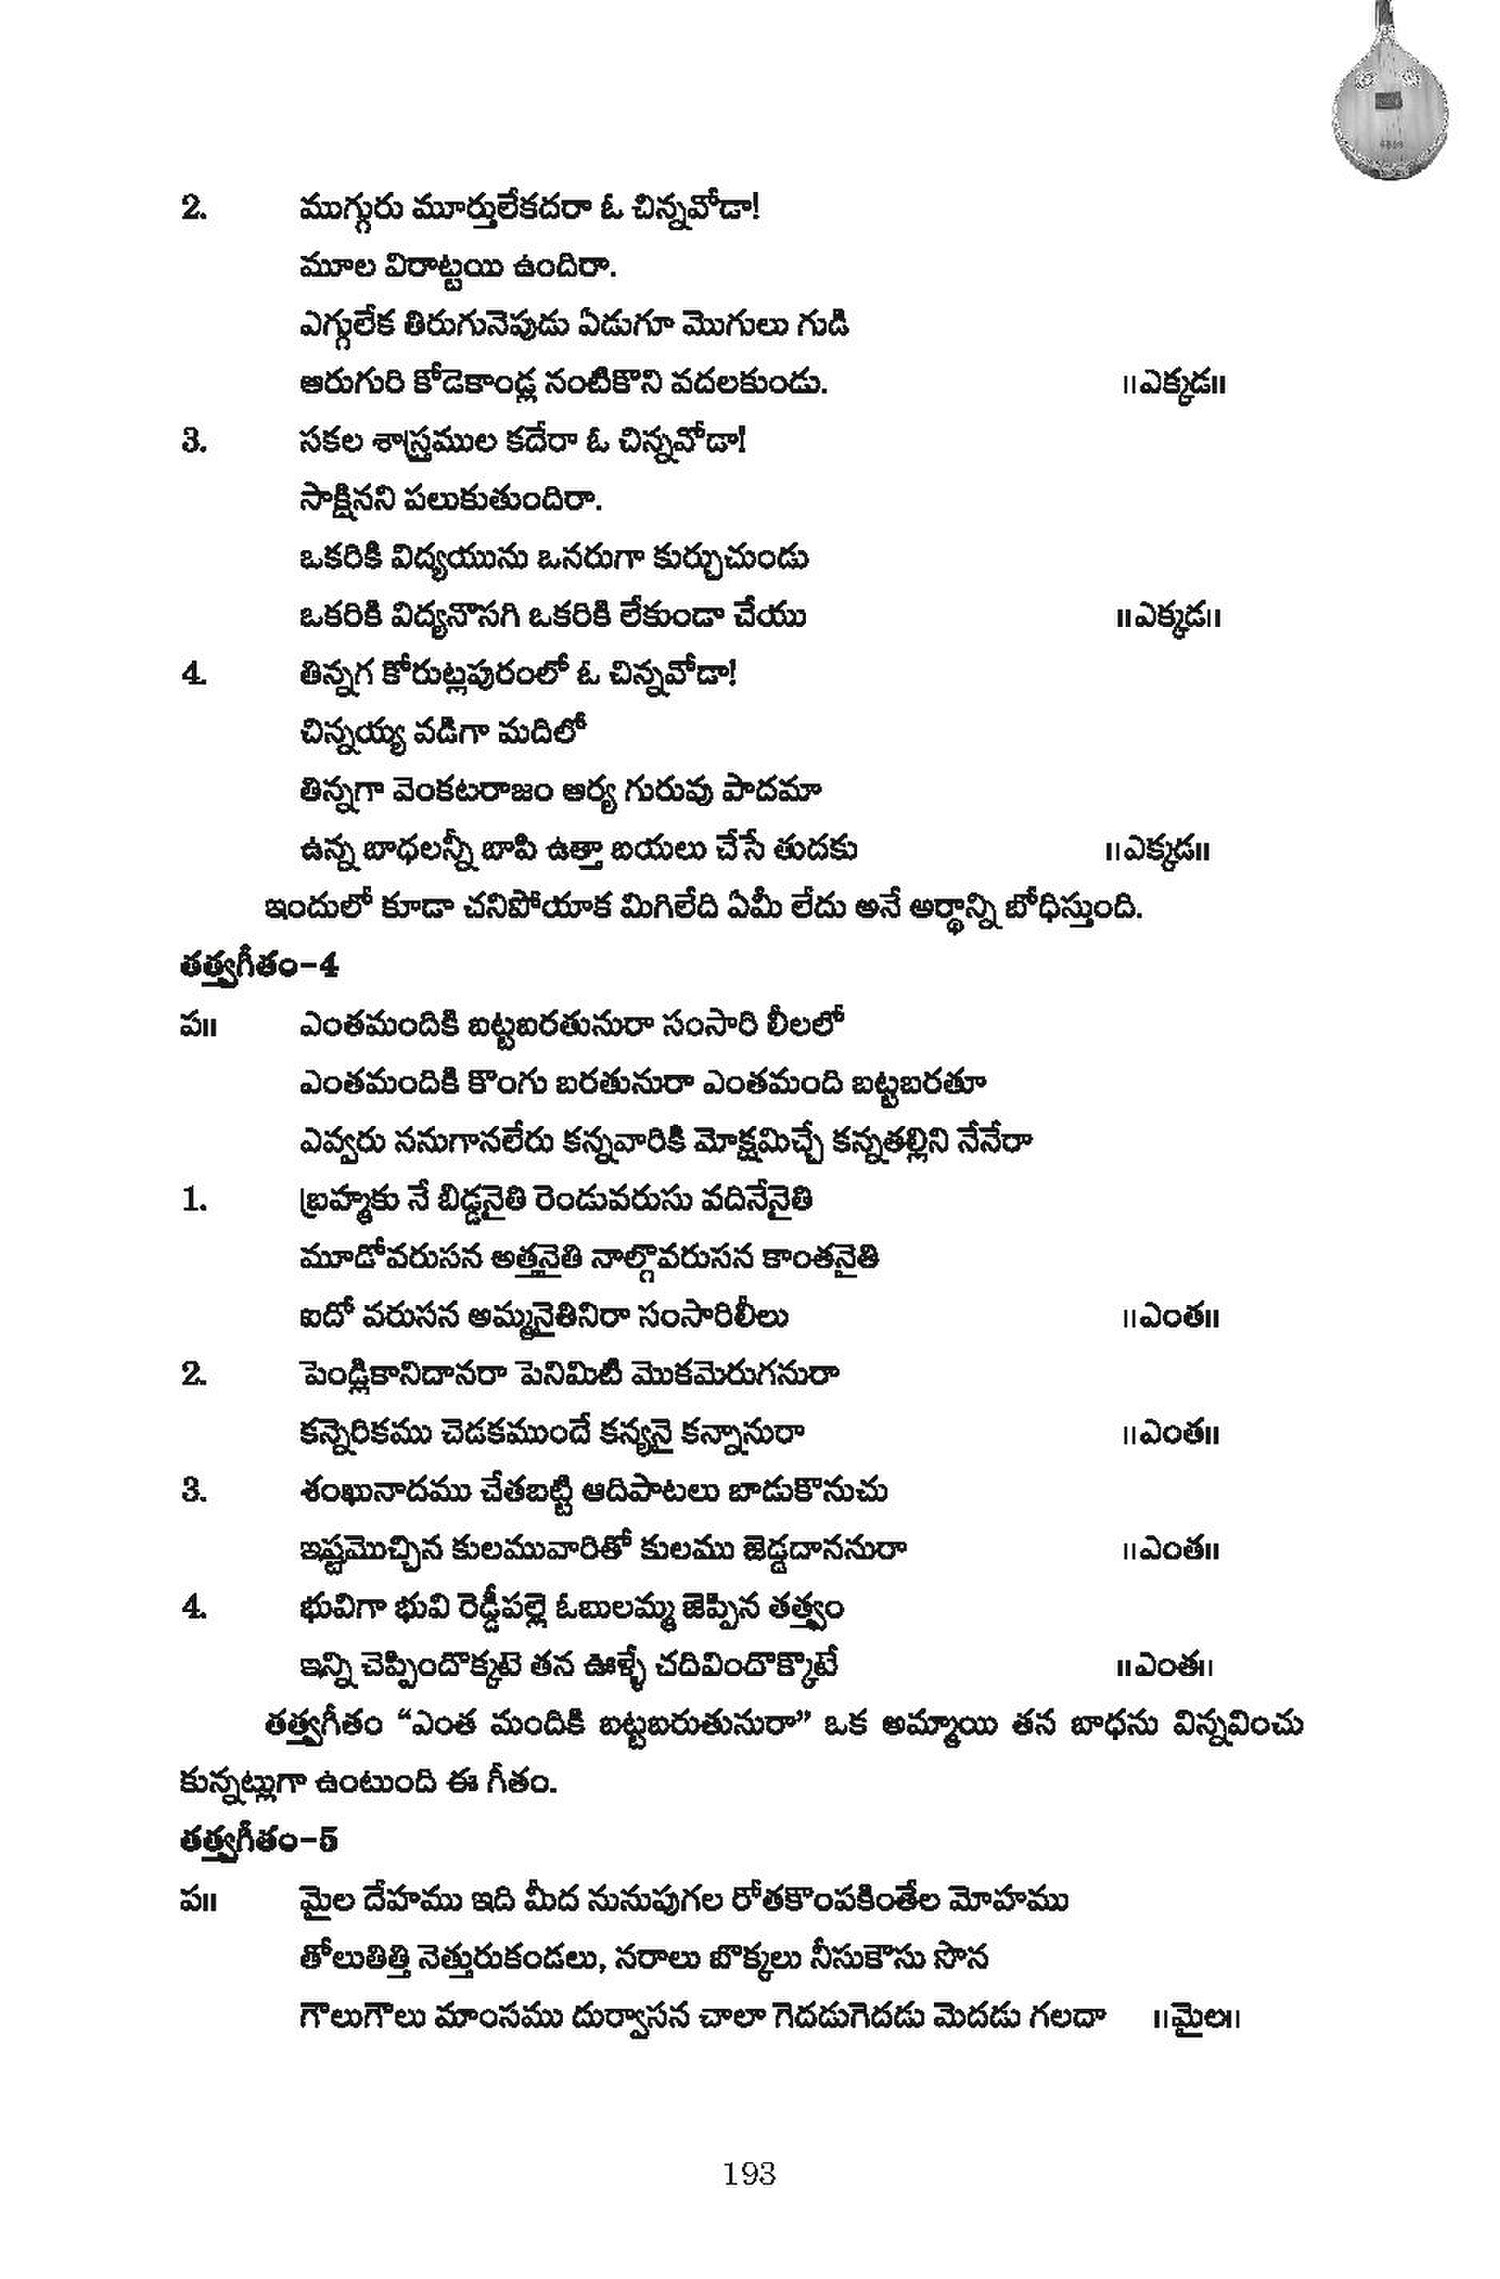2. ముగ్గురు మూర్తులేకదరా ఓ చిన్నవాడా!
మూల విరాట్టయి ఉందిరా.
ఎగ్గులేక తిరుగునెపుడు ఏడుగూ మొగులు గుడి
ఆరుగురి కోడెకాండ్ల నంటికొని వదలకుండు.
||ఎక్కడ||
3.
సకల శాస్త్రముల కదేరా ఓ చిన్నవోడా!
సాక్షినని పలుకుతుందిరా.
ఒకరికి విద్యయును ఒనరుగా కుర్చుచుండు
ఒకరికి విద్యనొసగి ఒకరికి లేకుండా చేయు
॥ఎక్కడ||
4.
తిన్నగ కోరుట్లపురంలో ఓ చిన్నవాడా!
చిన్నయ్య వడిగా మదిలో
తిన్నగా వెంకటరాజం ఆర్య గురువు పాదమా
ఉన్న బాధలన్నీ బాపి ఉత్తా బయలు చేసే తుదకు॥ఎక్కడ॥

ఇందులో కూడా చనిపోయాక మిగిలేది ఏమీ లేదు అనే అర్థాన్ని బోధిస్తుంది.

తత్త్వగీతం-4

మ౹౹ ఎంతమందికి బట్టబరతునురా సంసారి లీలలో
ఎంతమందికి కొంగు బరతునురా ఎంతమంది బట్టబరతూ
ఎవ్వరు ననుగానలేరు కన్నవారికి మోక్షమిచ్చే కన్నతల్లిని నేనేరా

1. బ్రహ్మకు నే బిడ్డనైతి రెండువరుసు వదినేనైతి
మూడోవరుసన అత్తనైతి నాల్గవరుసన కాంతనైతి
ఐదో వరుసన అమ్మనైతినిరా సంసారిలీలు౹౹ఎంత౹౹

2. పెండ్లికానిదానరా పెనిమిటి మొకమెరుగనురా
కన్నెరికము చెడకముందే కన్యనై కన్నానురా౹౹ఎంత౹౹

3. శంఖునాదము చేతబట్టి ఆదిపాటలు బాడుకొనుచు
ఇష్టమొచ్చిన కులమువారితో కులము జెడ్డదాననురా౹౹ఎంత౹౹

4. భువిగా భువి రెడ్డిపల్లె ఓబులమ్మ జెప్పిన తత్త్వం
ఇన్ని చెప్పిందొక్కటె తన ఊళ్ళే చదివిందొక్కొటే ౹౹ఎంత౹౹

తత్త్వగీతం "ఎంత మందికి బట్టబరుతున్నరా” ఒక అమ్మాయి తన బాధను విన్నవించుకున్నట్లుగా ఉంటుంది ఈ గీతం.

తత్త్వగీతం-5

మ౹౹ మైల దేహము ఇది మీద నునుపుగల రోతకొంపకింతేల మోహము
తోలుతిత్తి నెత్తురుకండలు, నరాలు బొక్కలు నీసుకౌసు సొన
గౌలుగౌలు మాంసము దుర్వాసన చాలా గెదడుగెదడు మెదడు గలదా ॥మైల౹౹